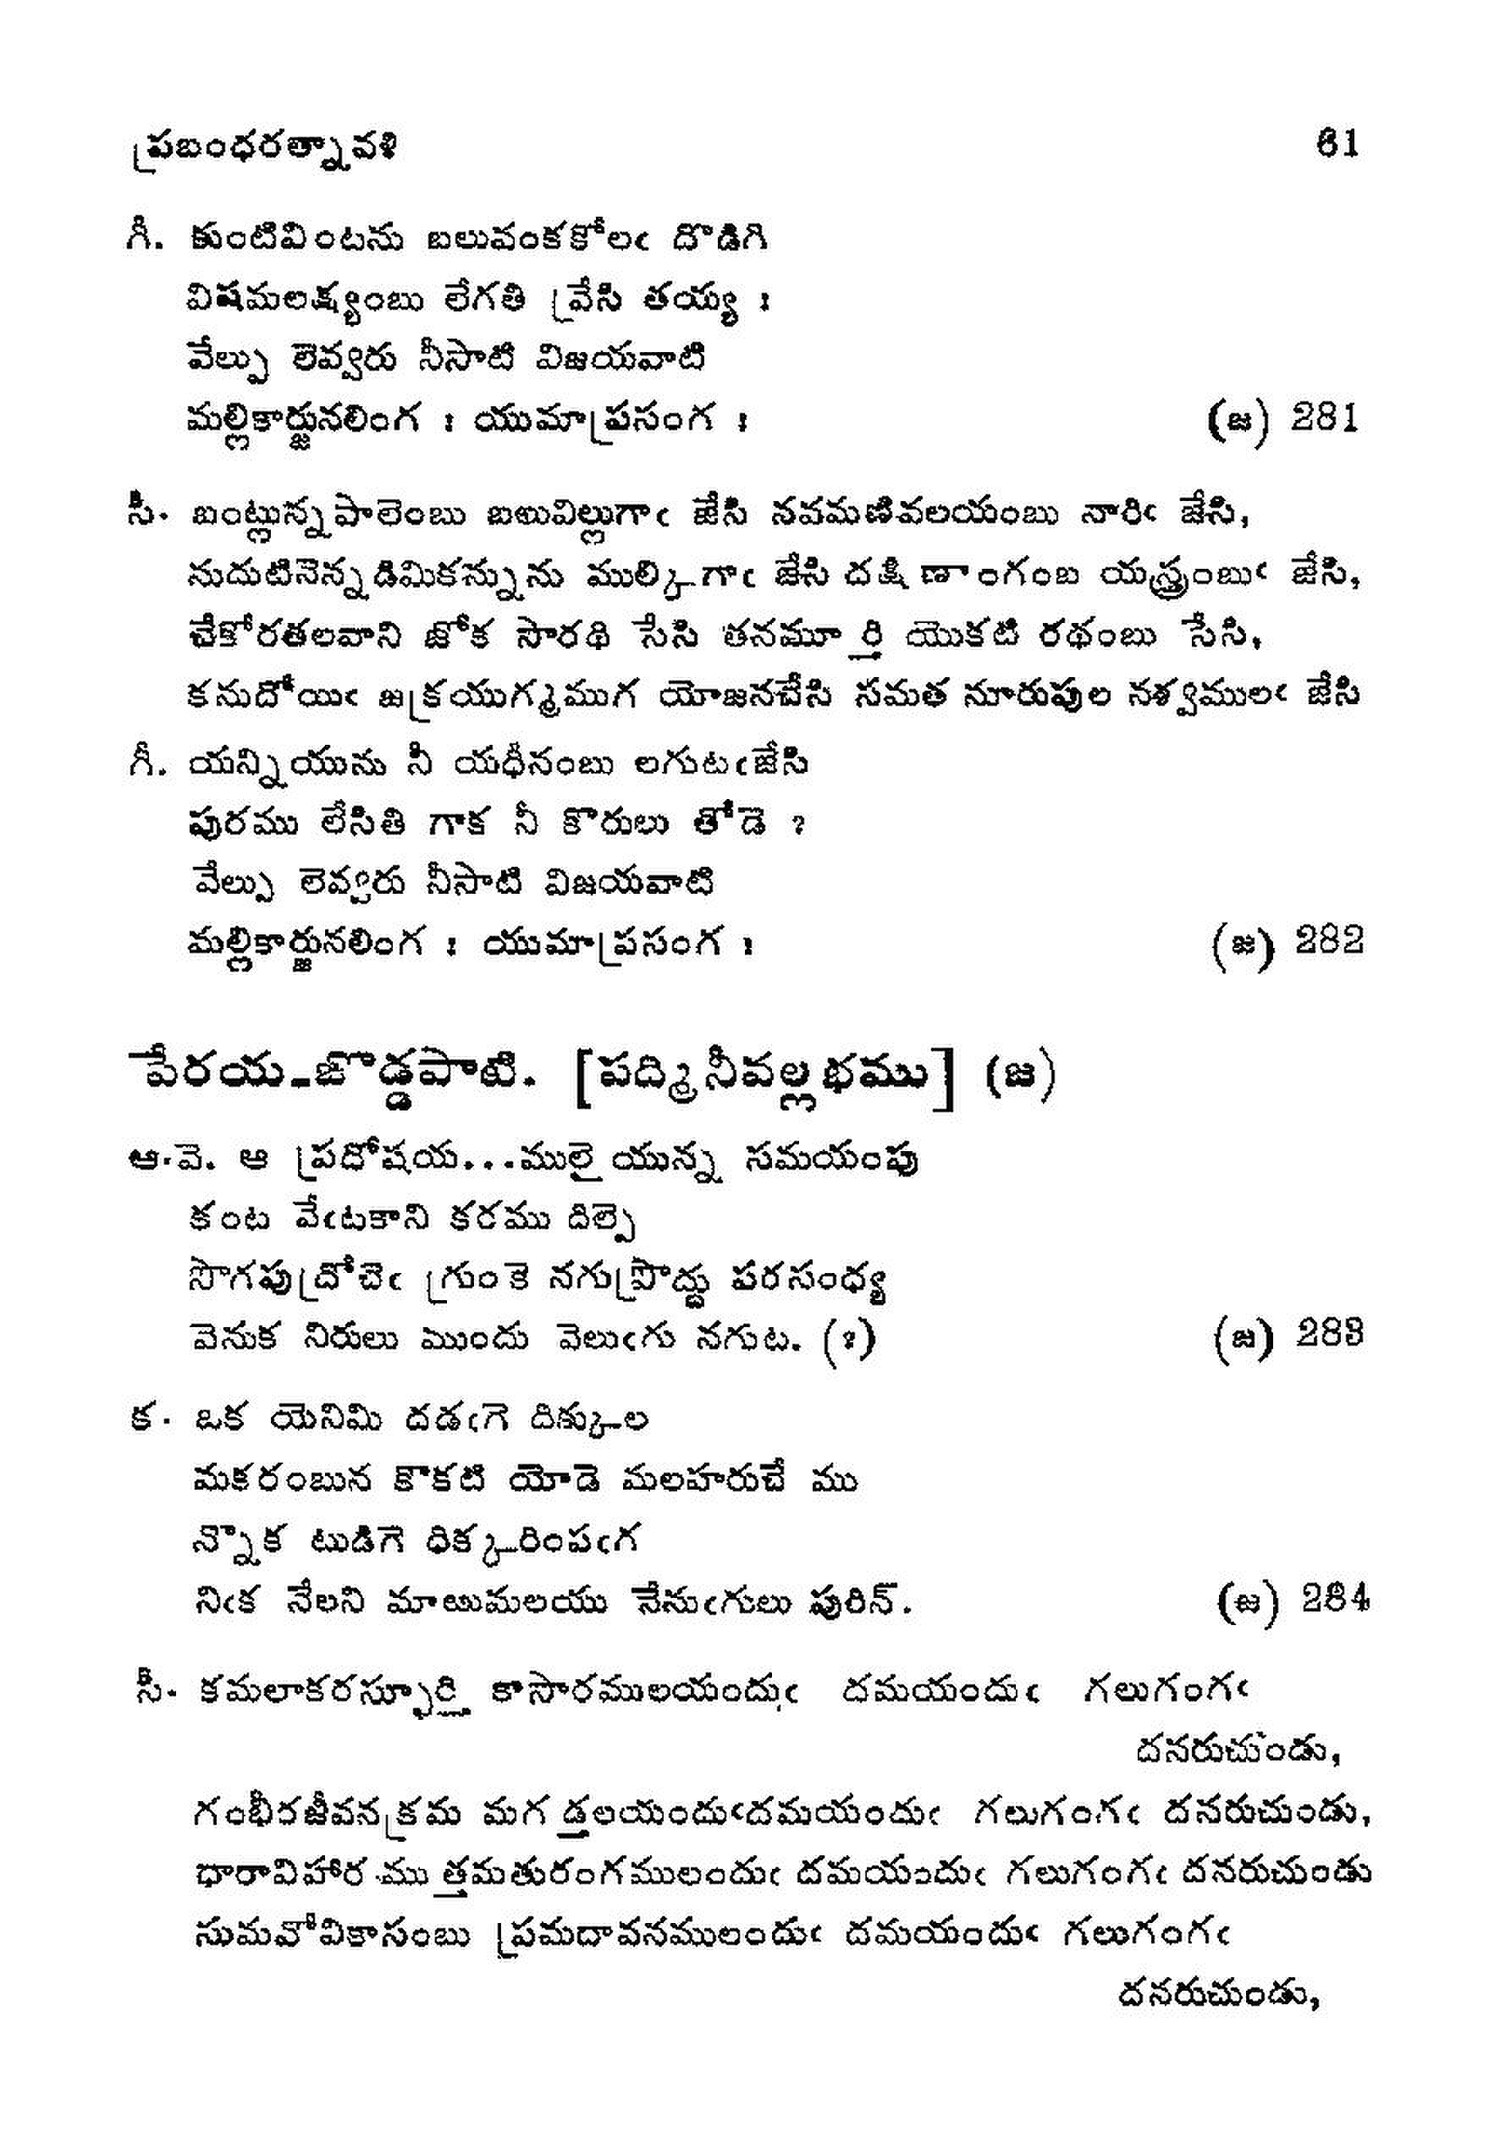గీ. కుంటివింటను బలువంక కోలఁ దొడిగి
విషమలక్ష్యంబు లే గతి వేసితయ్య!
వేల్పు లెవ్వరు నీ సాటి విజయవాటి
మల్లికార్జునలింగ! యుమాప్రసంగ! (జ) 281

సీ. బంట్లున్న పాలెంబు బలువిల్లుగాఁ జేసి నవమణివలయంబు నారిఁ జేసి
నుదుటి నెన్నడిమికన్నును ముల్కిగాఁ జేసి దక్షిణాంగంబె యస్త్రంబుఁ జేసి
చేకొఱతలవాని జోక సారథి సేసి తన మూర్తి యొకట రథంబు సేసి
కనుదోయిఁ జక్రయుగ్మముగ యోజన చేసి సమత నూరుపుల నశ్వములఁ జేసి
గీ. యన్నియును నీ యధీనంబు లగుటఁ జేసి
పురము లేసితిగాక నీ కొరులు తోడె?
వేల్పు లెవ్వరు నీ సాటి విజయవాటి
మల్లికార్జునలింగ! యుమాప్రసంగ! (జ) 282

పేరయ్య, బొడ్డపాటి [పద్మినీవల్లభము] (జ)
ఆ. ఆ ప్రదోషయ...ములై యున్న సమయంపు
కంట వేఁటకాని కరము దిల్పె
సొగపు దోచెఁ గ్రుంకె నగు ప్రొద్దు పరసంధ్య
వెనుక నిరులు ముందు వెలుఁగు నగుట.(?) (జ) 283

క. ఒక యెనిమి దడఁగె దిక్కుల
మకరంబున కొకటి యోడె మలహరుచే ము
న్నొక టుడిగె ధిక్కరింపఁగ
నిఁక నేలని మాఱుమలయు నేనుఁగులు పురిన్. (జ) 284

సీ. కమలాకరస్ఫూర్తి కాసారములయందుఁ దమయందుఁ గలుగంగఁ దనరుచుండు,
గంభీరజీవనక్రమ మగడ్తలయందుఁ దమయందుఁ గలుగంగఁ దనరుచుండు,
ధారావిహార ముత్తమ తురగములందుఁ దమయందుఁ గలుగంగఁ దనరుచుండు,
సుమనోవికాసంబు ప్రమాదవనములందుఁ దమయందుఁ గలుగంగఁ దనరుచుండు,